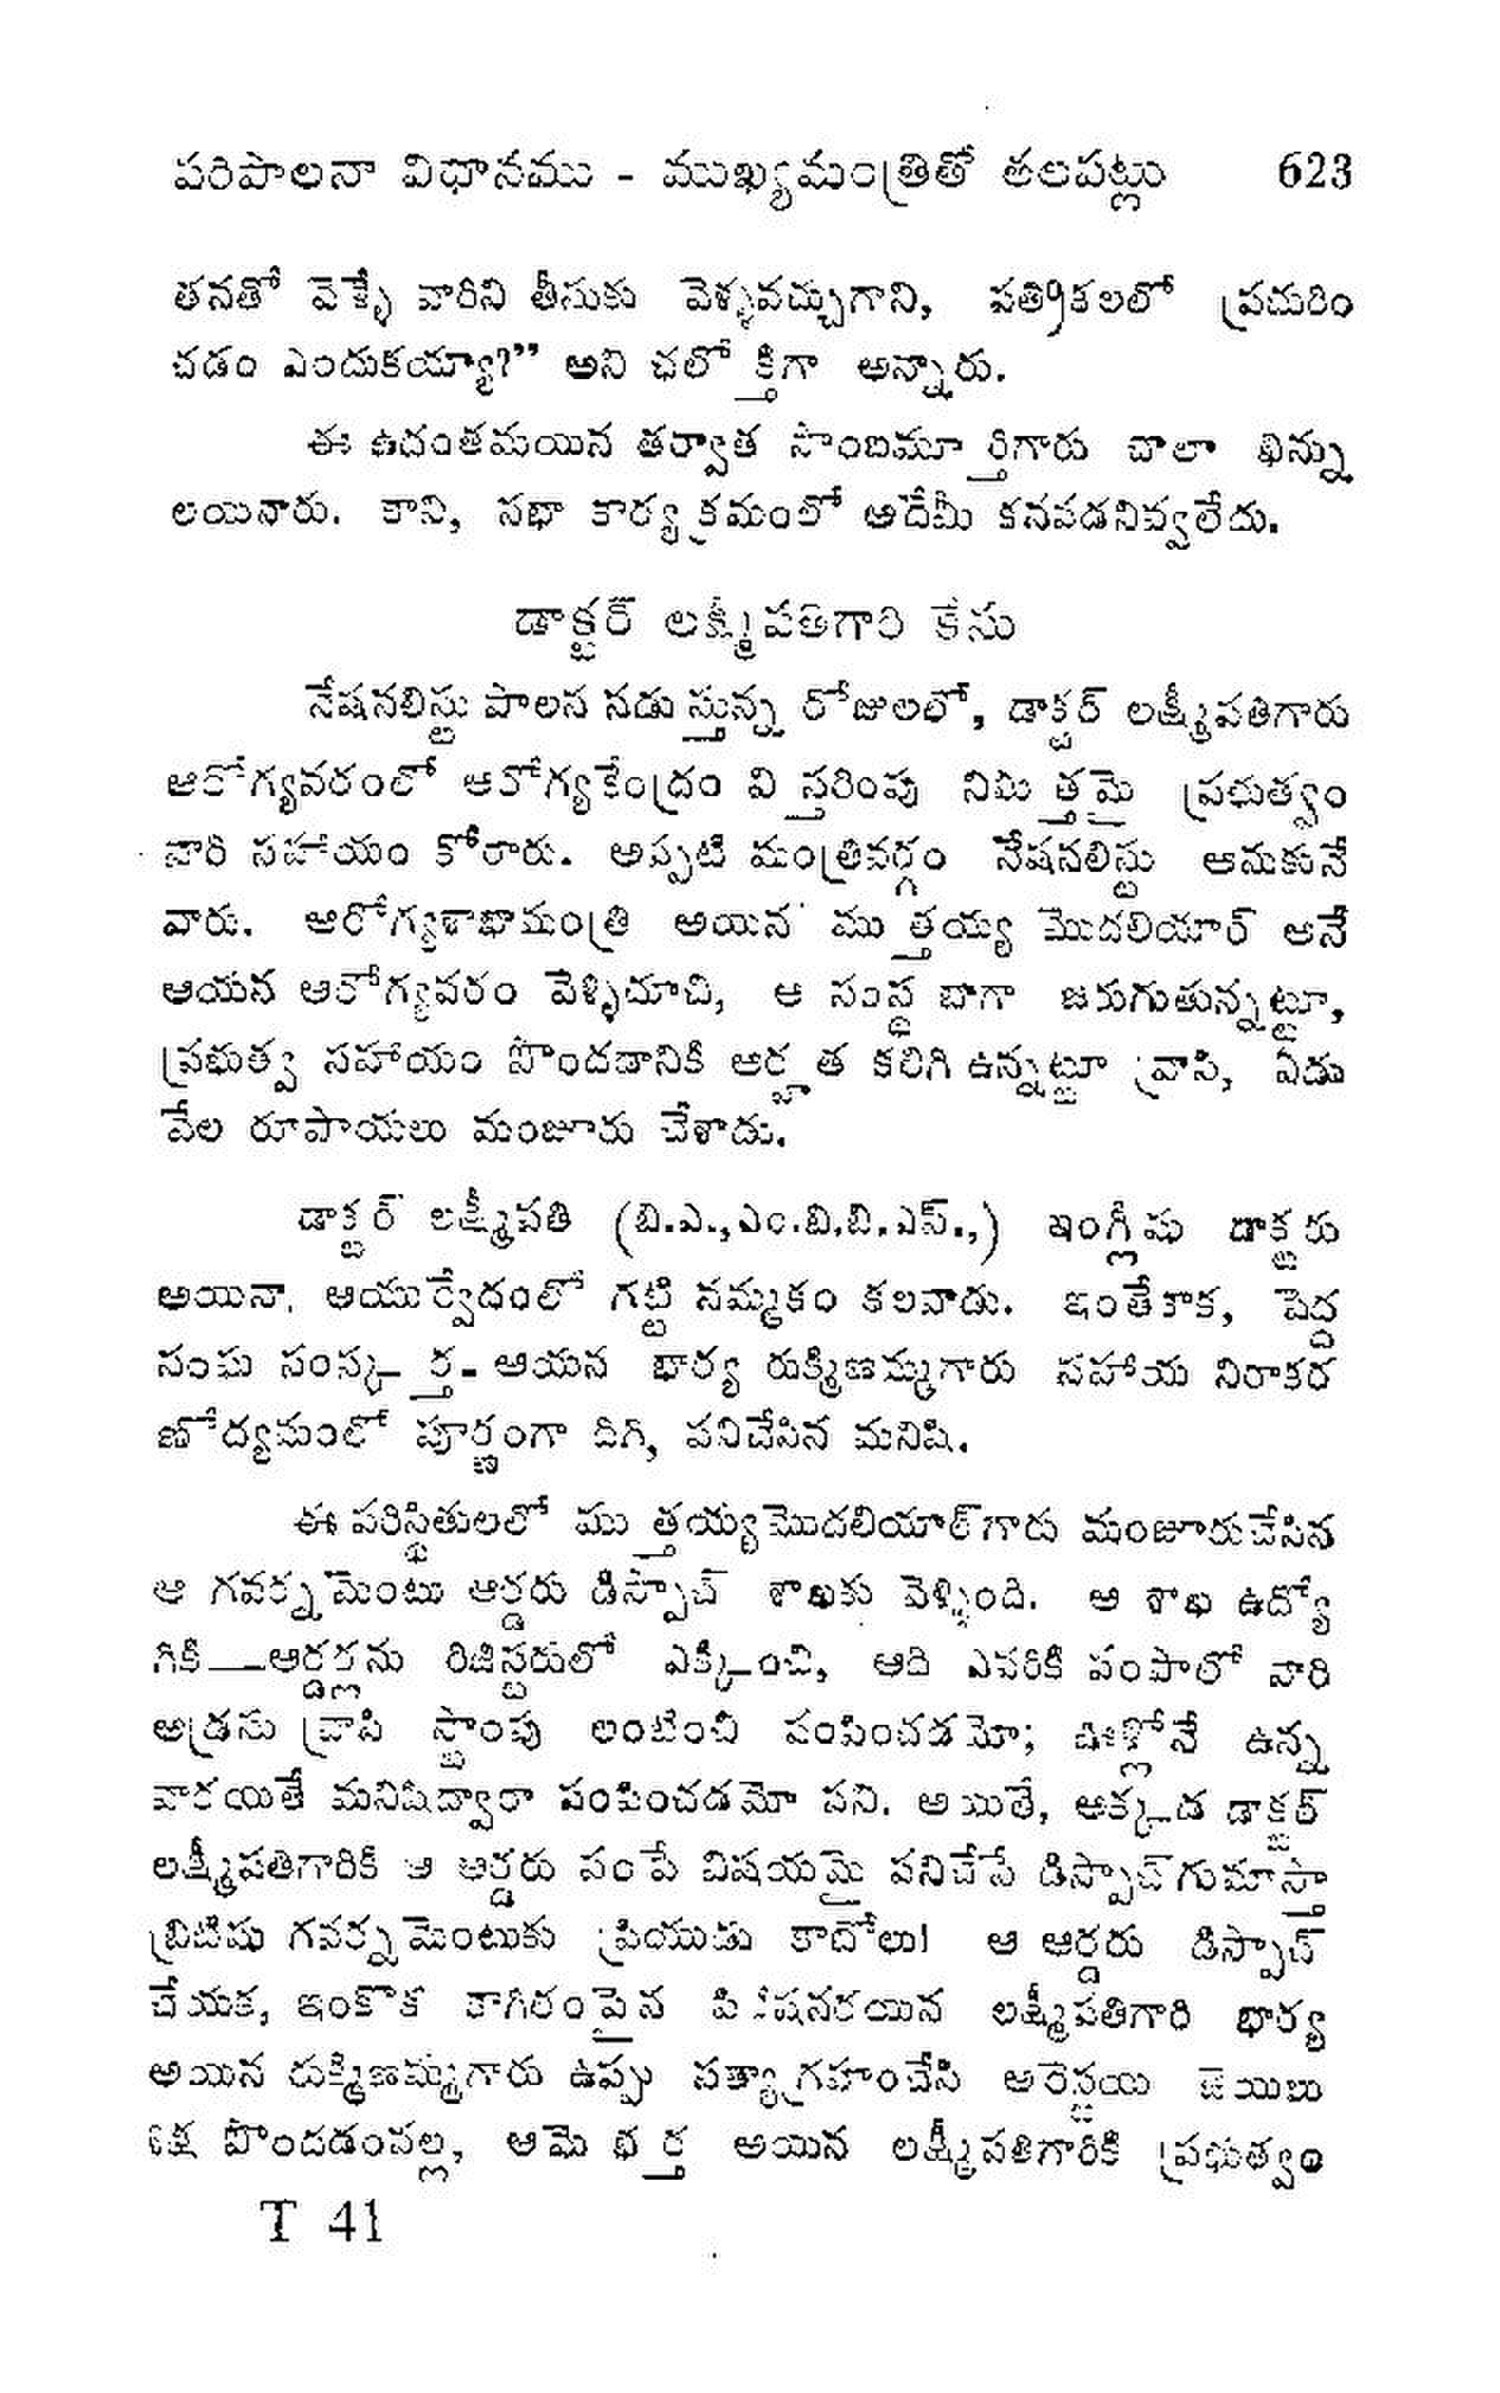తనతో వెళ్ళే వారిని తీసుకు వెళ్ళవచ్చుగాని, పత్రికలలో ప్రచురించడం ఎందుకయ్యా?" అని చలోక్తిగా అన్నారు.

ఈ ఉదంతమయిన తర్వాత సాంబమూర్తిగారు చాలా ఖిన్నులయినారు. కాని, సభా కార్యక్రమంలో అదేమీ కనపడ నివ్వలేదు.

నేషనలిస్టు పాలన నడుస్తున్న రోజులలో, డాక్టర్ లక్ష్మీపతిగారు ఆరోగ్యవరంలో ఆరోగ్య కేంద్రం విస్తరింపు నిమిత్తమై ప్రభుత్వం వారి సహాయం కోరారు. అప్పటి మంత్రివర్గం నేషనలిస్టు అనుకునేవారు. ఆరోగ్యశాఖామంత్రి అయిన ముత్తయ్య మొదలియార్ అనే ఆయన ఆరోగ్యవరం వెళ్ళిచూచి, ఆ సంస్థ బాగా జరుగుతున్నట్టూ, ప్రభుత్వ సహాయం పొందడానికి అర్హత కలిగి ఉన్నట్టూ వ్రాసి, ఏడువేల రూపాయలు మంజూరు చేశాడు.

డాక్టర్ లక్ష్మీపతి (బి. ఎ., ఎం. బి. బి. ఎస్.,) ఇంగ్లీషు డాక్టరు అయినా ఆయుర్వేదంలో గట్టి నమ్మకం కలవాడు. ఇంతేకాక, పెద్ద సంఘ సంస్కర్త. ఆయన భార్య రుక్మిణమ్మగారు సహాయ నిరాకరణోద్యమంలో పూర్ణంగా దిగి, పనిచేసిన మనిషి.

ఈ పరిస్థితులలో ముత్తయ్య మొదలియార్‌ గారు మంజూరుచేసిన ఆ గవర్నమెంటు ఆర్డరు డిస్పాచ్ శాఖకు వెళ్ళింది. ఆ శాఖ ఉద్యోగికి -- ఆర్డర్లను రిజిస్టరులో ఎక్కించి, అది ఎవరికి పంపాలో వారి అడ్రసు వ్రాసి స్టాంపు అంటించి పంపించడమో; ఊళ్లోనే ఉన్నవారయితే మనిషిద్వారా పంపించడమో పని. అయితే, అక్కడ డాక్టర్ లక్ష్మీపతిగారికి, ఆ ఆర్డరు పంపే విషయమై పనిచేసే డిస్పాచ్‌గుమస్తా బ్రిటిషు గవర్నమెంటుకు ప్రియుడు కాబోలు! ఆ ఆర్డరు డిస్పాచ్ చేయక, ఇంకొక కాగితంపైన పిటిషనరయిన లక్ష్మీపతిగారి భార్య అయిన రుక్మిణమ్మగారు ఉప్పు సత్యాగ్రహంచేసి అరెస్టయి జెయిలు శిక్ష పొందడంవల్ల, ఆమె భర్త అయిన లక్ష్మీపతిగారికి ప్రభుత్వం